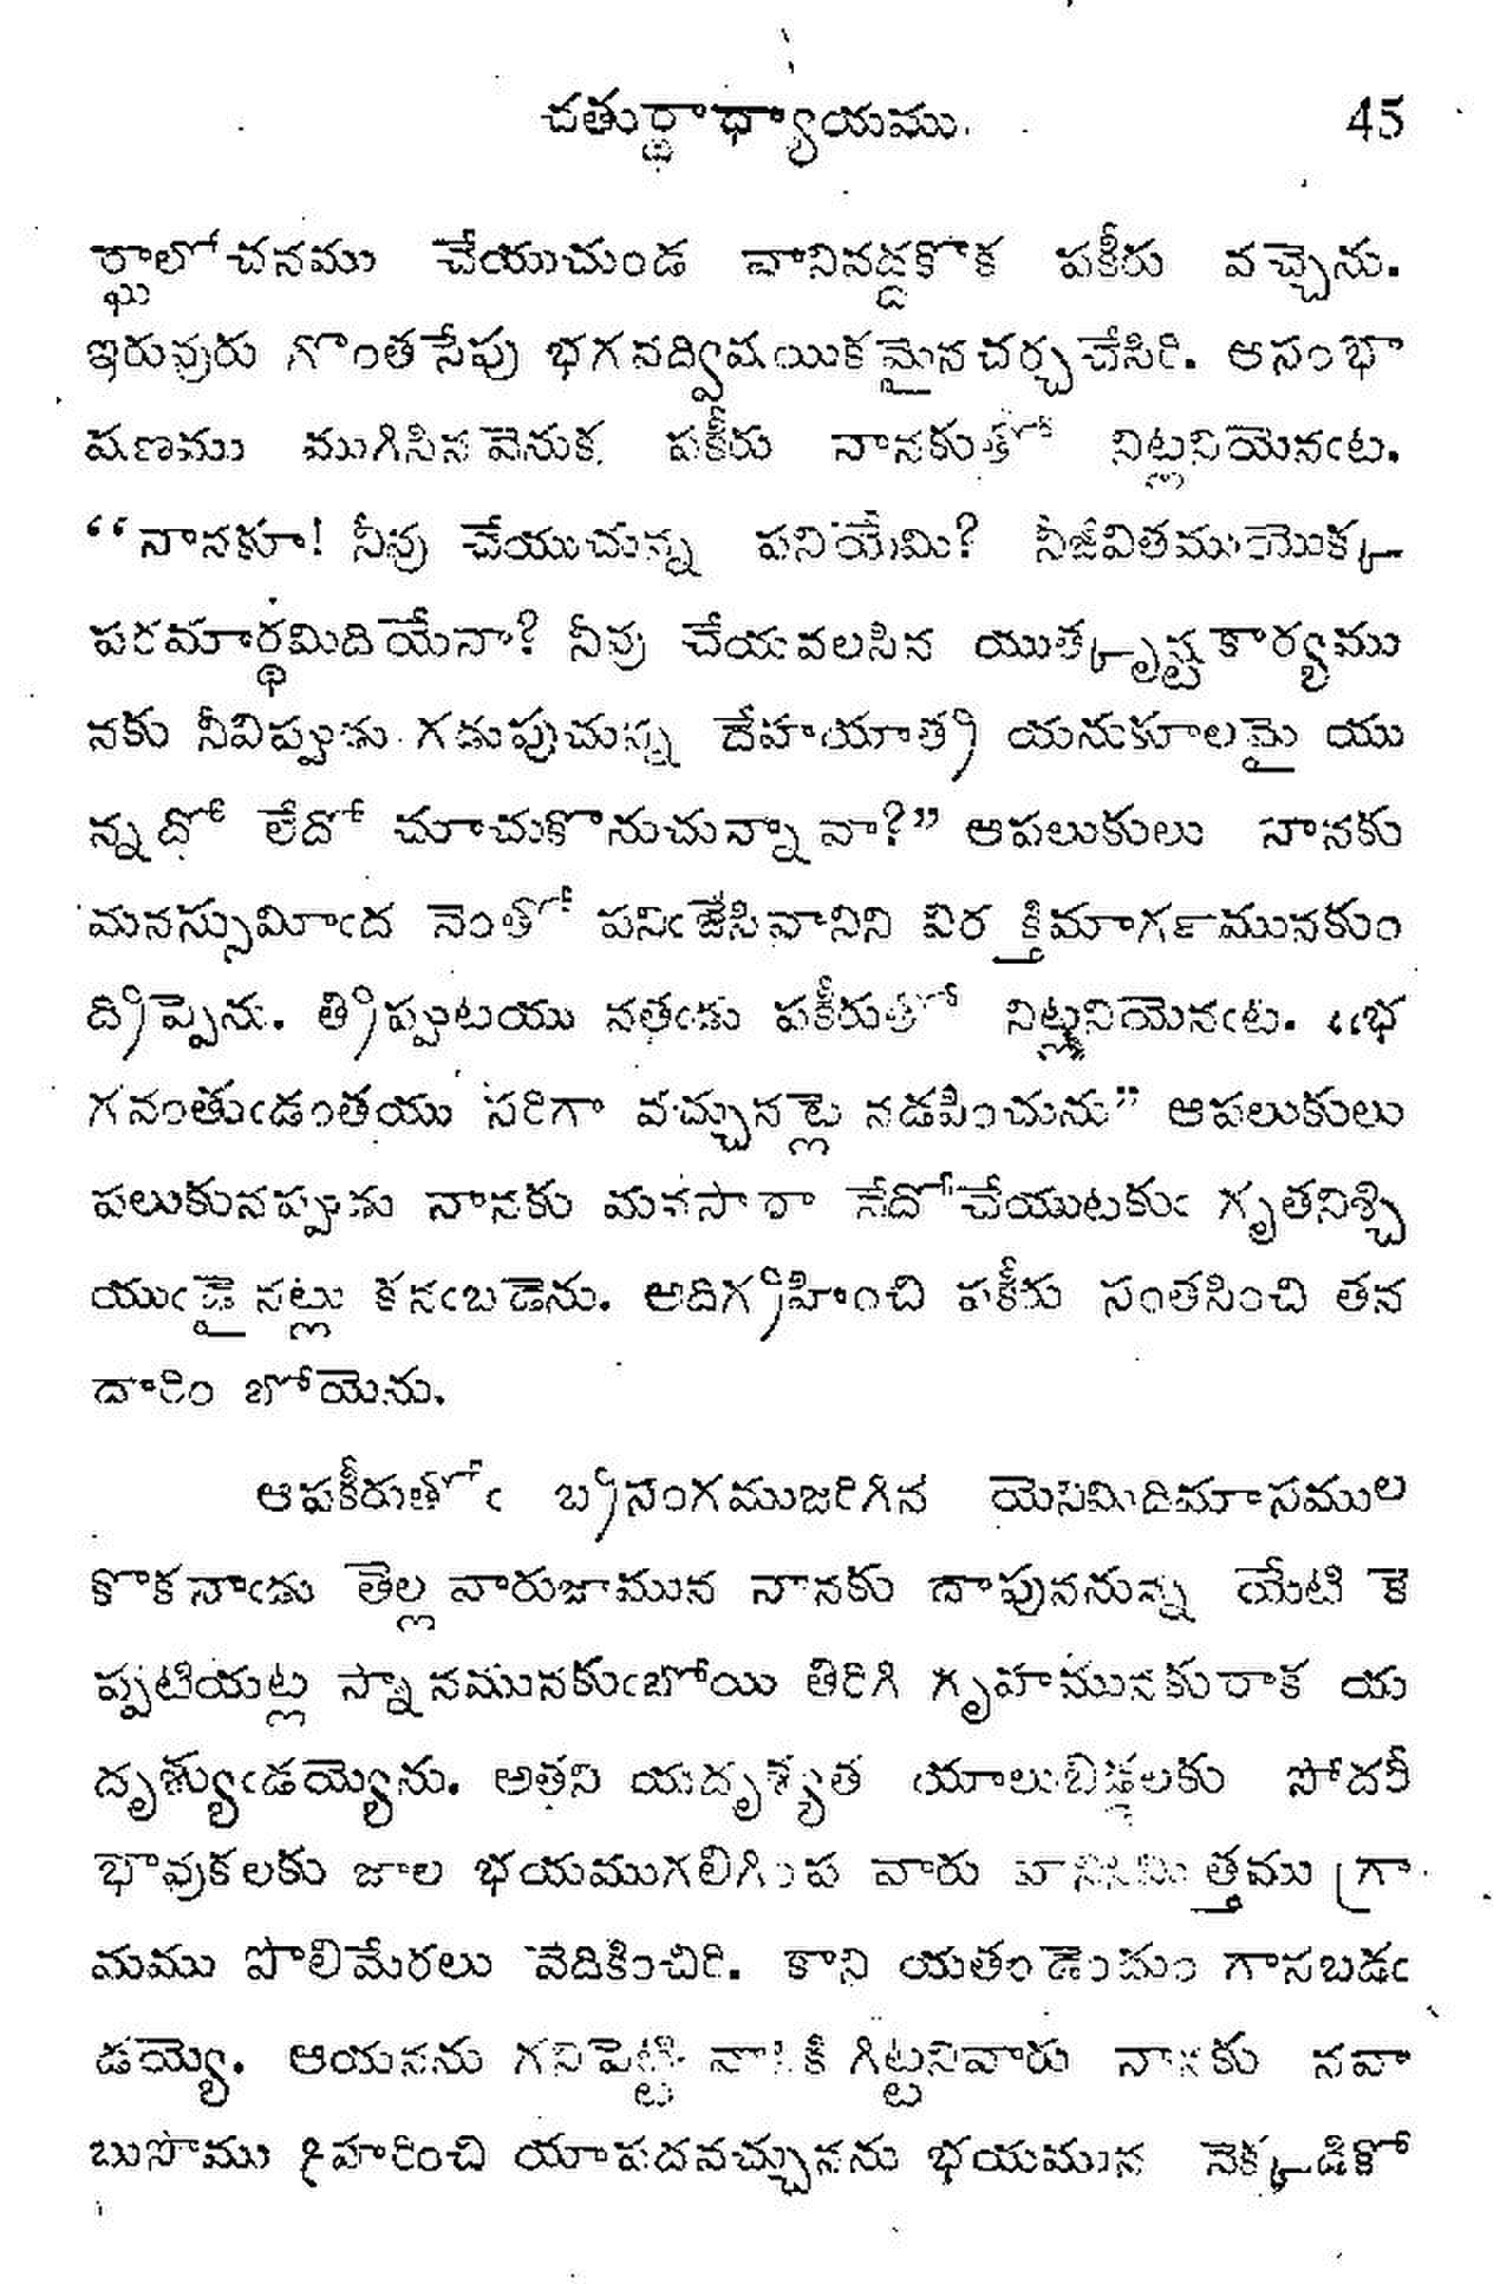ర్ఘాలోచనము చేయుచుండ వానివద్దకొక పకీరు వచ్చెను. ఇరువురు గొంతసేపు భగవద్విషయకమైన చర్చచేసిరి. ఆసంభాషణము ముగిసినవెనుక పకీరు నానకుతో నిట్లనియెనట. "నానకూ! నీవు చేయుచున్న పనియేమి? నీజీవితముయొక్క పరమార్థమిదియేనా? నీవు చేయవలసిన యుత్కృష్టకార్యమునకు నీవిప్పుడు గడుపుచున్న దేహయాత్ర యనుకూలమై యున్నదో లేదో చూచుకొనుచున్నావా?" ఆపలుకులు నానకు మనస్సుమీద నెంతో పనిజేసివానిని విరక్తిమాగన్‌మునకుం ద్రిప్పెను. త్రిప్పుటయు నతడు పకీరుతో నిట్లనియెనట. "భగవంతుడంతయు సరిగా వచ్చునట్లె నడపించును" ఆపలుకులు పలుకునప్పుడు నానకు మనసారా నేదోచేయుటకు గృతనిశ్చియుడైనట్లు కనబడెను. అదిగ్రహించి పకీరు సంతసించి తనదారిం బోయెను.

ఆపకీరుతో బ్రసంగముజరిగిన యెనిమిదిమాసముల కొకనాడు తెల్ల వారుజామున నానకు దాపుననున్న యేటి కెప్పటియట్ల స్నానమునకుబోయి తిరిగి గృహమునకురాక యదృశ్యుడయ్యెను. అతని యదృశ్యత యాలుబిడ్డలకు సోదరీ భావుకలకు జాల భయముగలిగింప వారు వానినిమిత్తము గ్రామము పొలిమేరలు వెదికించిరి. కాని యతండెందుం గానబడడయ్యె. ఆయనను గనిపెట్టి వానికి గిట్టనివారు నానకు నవాబుసొమ్ము హరించి యాపదవచ్చునను భయమున నెక్కడికో